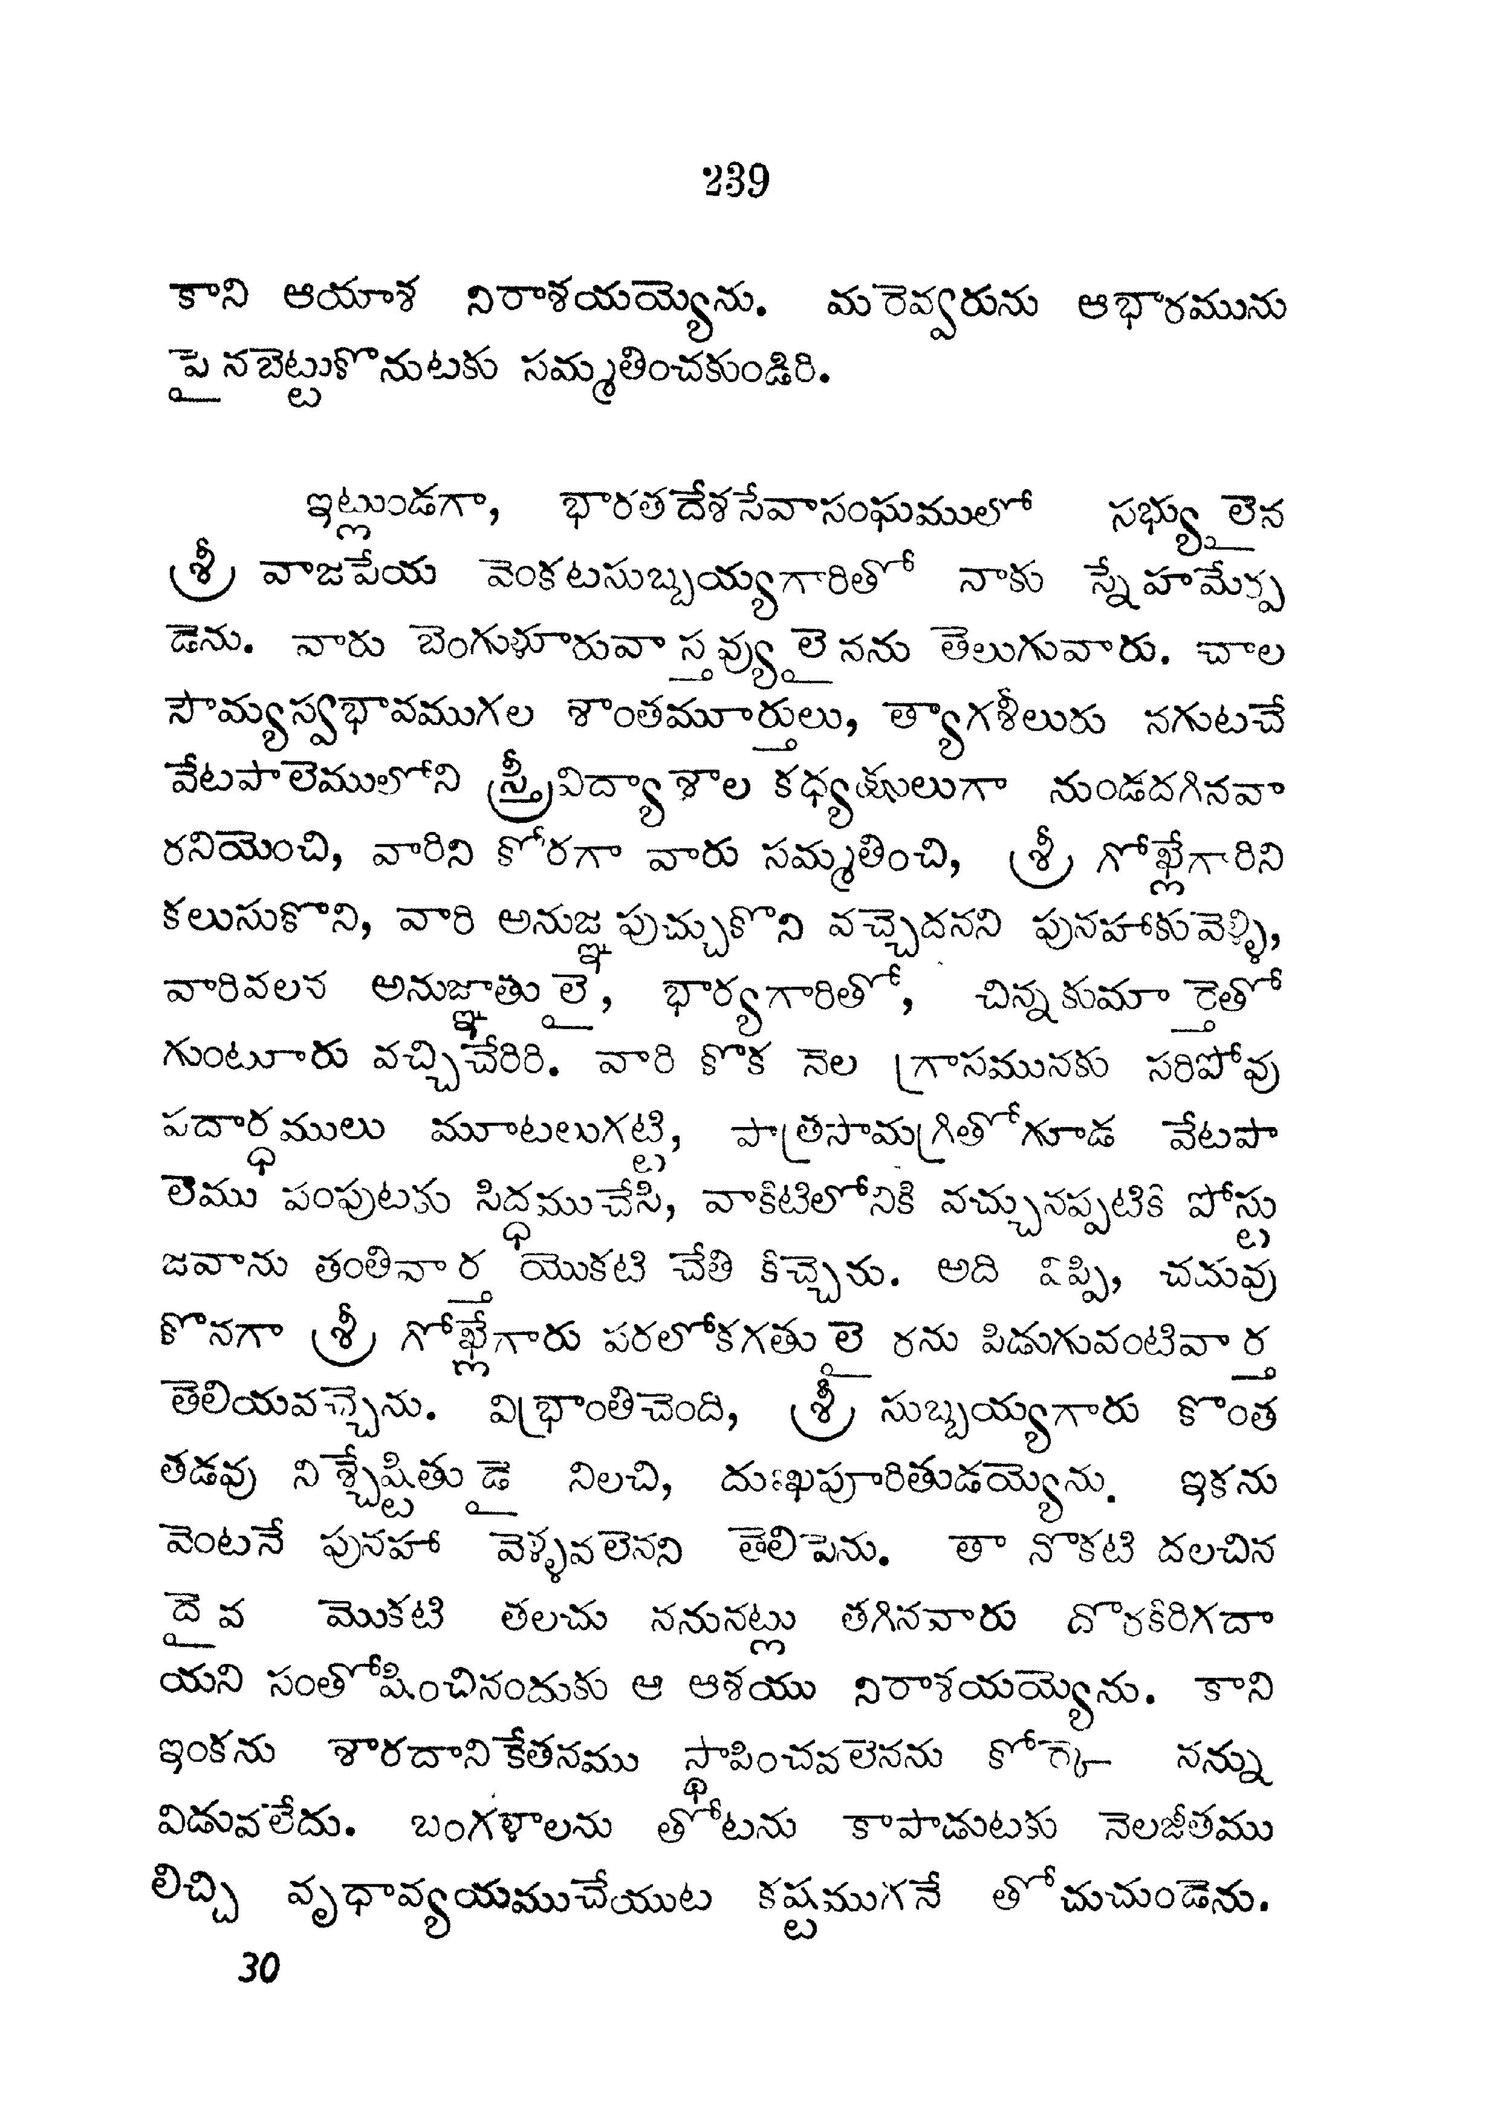కాని ఆయాశ నిరాశయయ్యెను. మరెవ్వరును ఆభారమును పైనబెట్టుకొనుటకు సమ్మతించకుండిరి.

ఇట్లుండగా, భారతదేశసేవాసంఘములో సభ్యులైన శ్రీ వాజపేయ వెంకటసుబ్బయ్యగారితో నాకు స్నేహమేర్పడెను. వారు బెంగుళూరువాస్తవ్యులైనను తెలుగువారు. వాల సౌమ్యస్వభావముగల శాంతమూర్తులు, త్యాగశీలురు నగుటచే వేటపాలెములోని స్త్రీవిద్యాశాల కధ్యక్షులుగా నుండదగినవారనియెంచి, వారిని కోరగా వారు సమ్మతించి, శ్రీ గోఖ్లేగారిని కలుసుకొని, వారి అనుజ్ఞపుచ్చుకొని వచ్చెదనని పునహాకువెళ్ళి, వారివలన అనుజ్ఞాతులై, భార్యగారితో, చిన్నకుమార్తెతో గుంటూరు వచ్చిచేరిరి. వారి కొక నెల గ్రాసమునకు సరిపోవు పదార్థములు మూటలుగట్టి, పాత్రసామగ్రితోగూడ వేటపాలెము పంపుటకు సిద్ధముచేసి, వాకిటిలోనికి వచ్చునప్పటికి పోస్టు జవాను తంతివార్త యొకటి చేతి కిచ్చెను. అది విప్పి, చదువుకొనగా శ్రీ గోఖ్లేగారు పరలోకగతులై రను పిడుగువంటివార్త తెలియవచ్చెను. విభ్రాంతిచెంది, శ్రీ సుబ్బయ్యగారు కొంత తడవు నిశ్చేష్టితుడై నిలచి, దు:ఖపూరితుడయ్యెను. ఇకను వెంటనే పునహా వెళ్ళవలెనని తెలిపెను. తా నొకటి దలచిన దైవ మొకటి తలచు ననునట్లు తగినవారు దొరకిరిగదా యని సంతోషించినందుకు ఆ ఆశయు నిరాశయయ్యెను. కాని ఇంకను శారదానికేతనము స్థాపించవలెనను కోర్కె నన్ను విడువలేదు. బంగళాలను తోటను కాపాడుటకు నెలజీతములిచ్చి వృధావ్యయముచేయుట కష్టముగనే తోచుచుండెను.